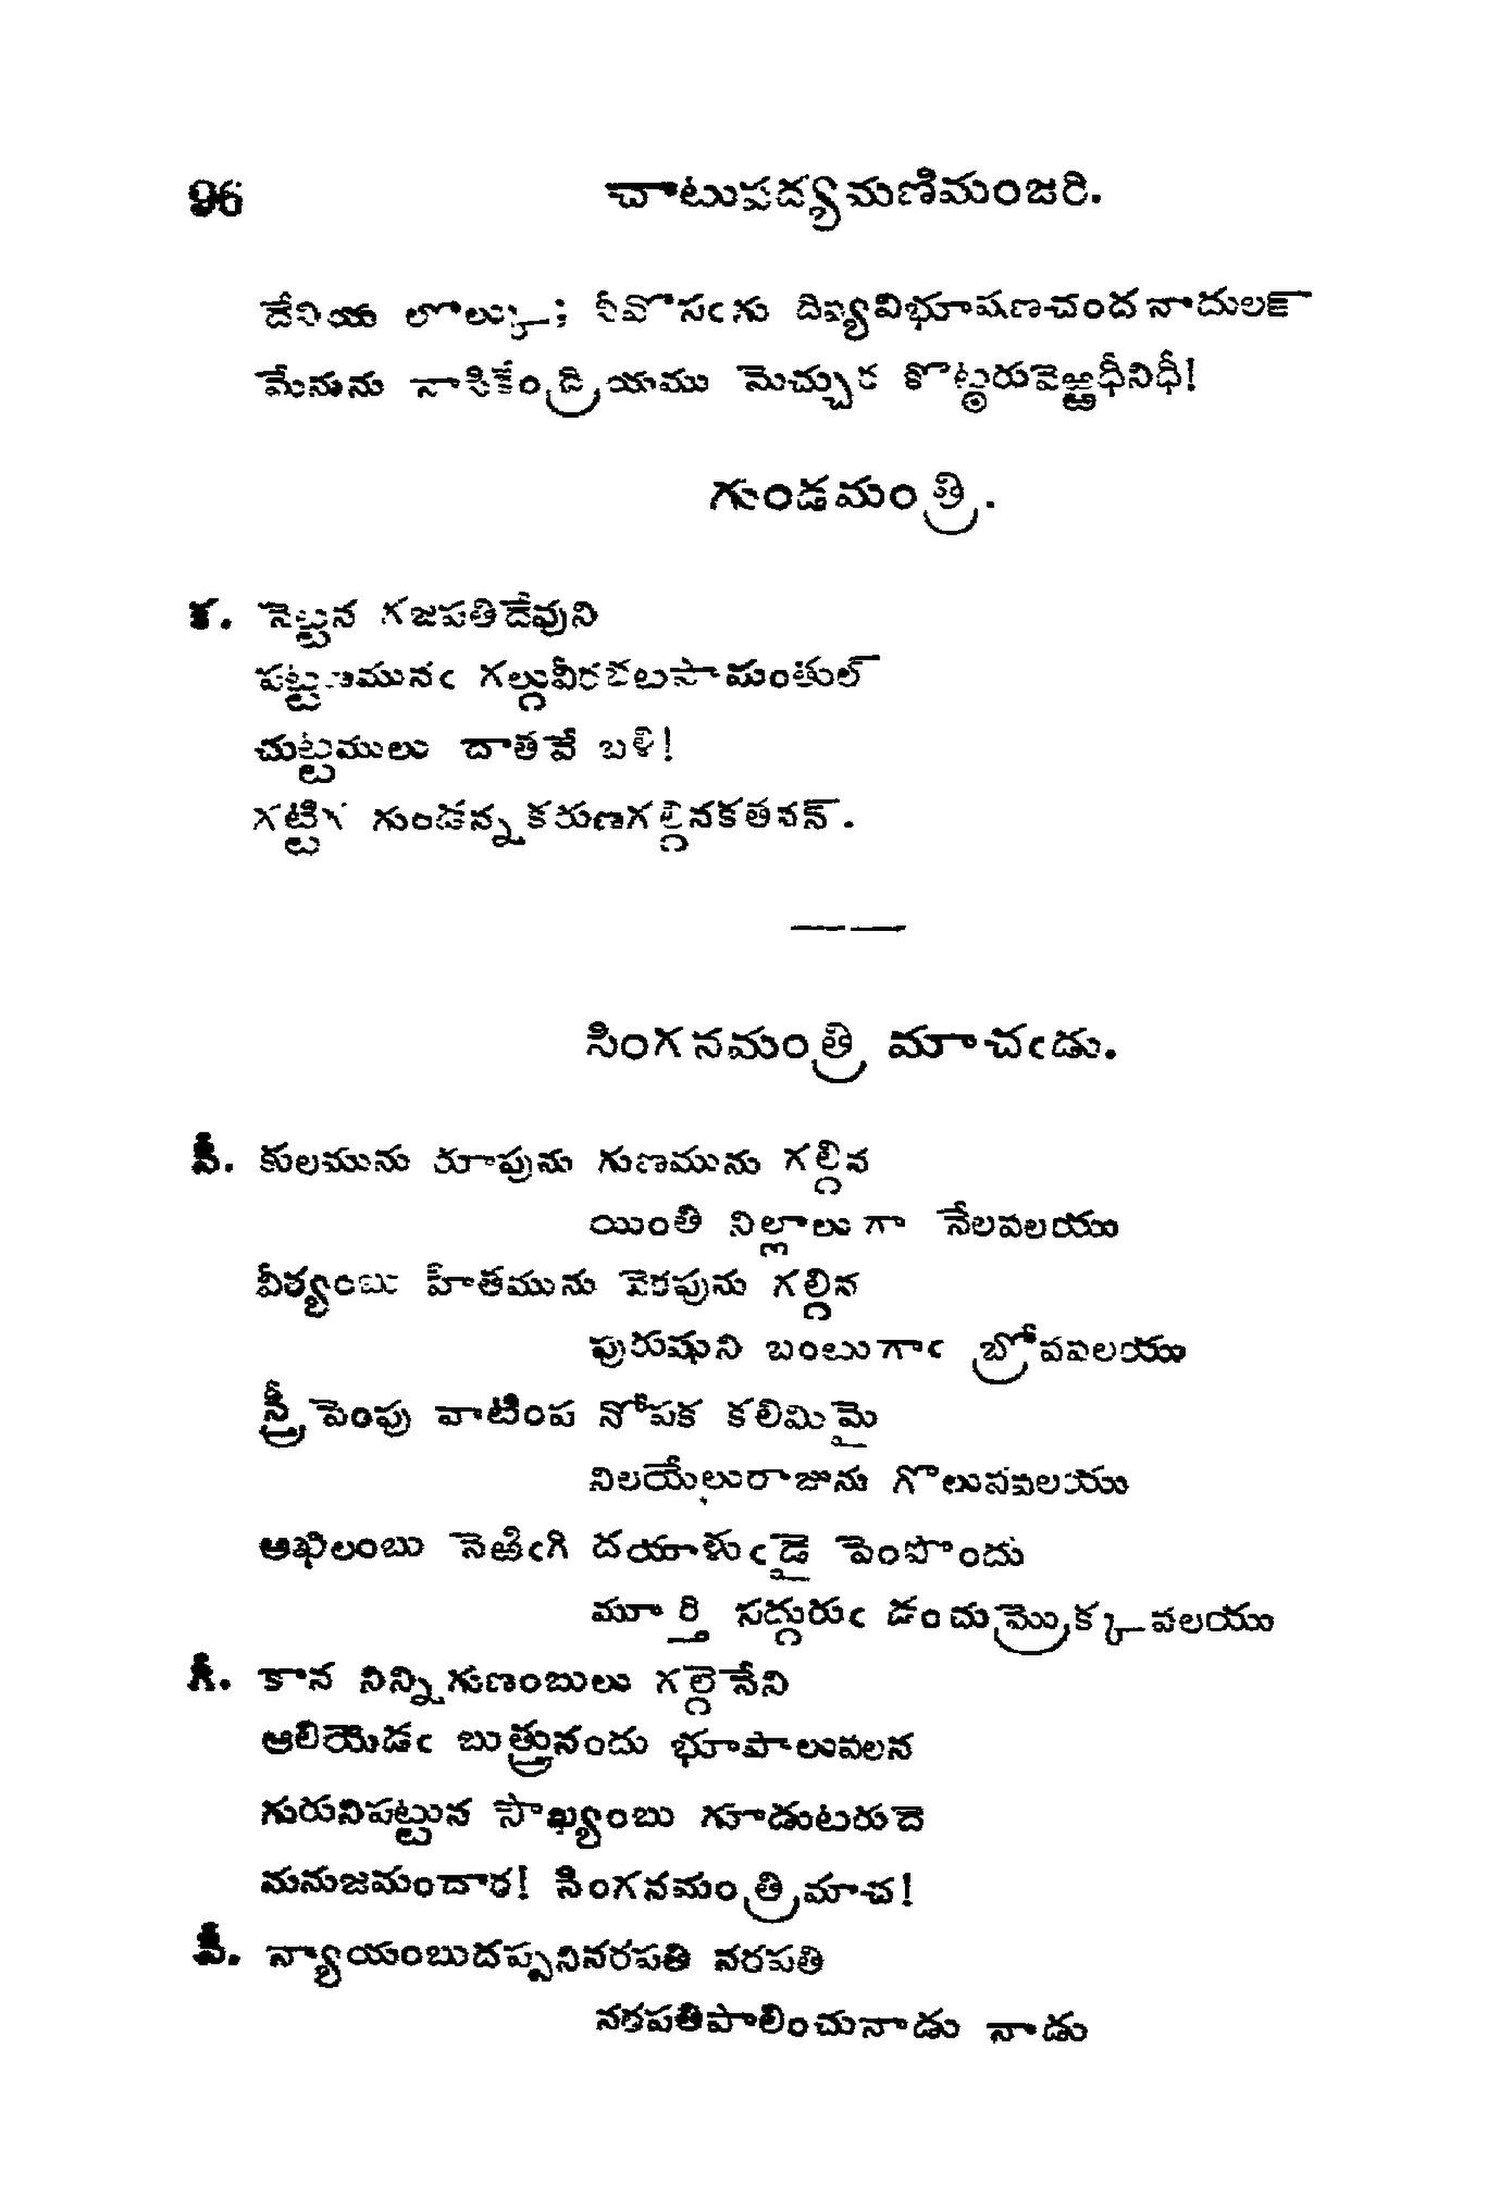దేనియ లొల్కు; నీ వొసఁగు దివ్యవిభూషణచందనాదులన్
 మేనును నాసికేంద్రియము మెచ్చుర కొట్టరువెఱ్ఱధీనిధీ!

క. నెట్టన గజపతిదేవుని
 పట్టఁమునఁ గల్గు వీరభటసామంతుల్
 చుట్టములు దాతవే బళి!
 గట్టిగ గుండన్న కరుణ గల్గినకతనన్.

సీ. కులమును రూపును గుణమును గల్గిన
 యింతి నిల్లాలుగా నేలవలయు
 వీర్యంబు హితమును వెరవును గల్గిన
 పురుషుని బంటుగాఁ బ్రోవవలయు
 స్త్రీపెంపు వాటింప నోపక కలిమిమై
 నిలయేలురాజును గొలువవలయు
 అఖిలంబు నెఱిఁగి దయాళుఁడై పెంపొందు
 మూర్తి సద్గురుఁ డంచు మ్రొక్కవలయు
గీ. కాన నిన్నిగుణంబులు గల్గెనేని
 ఆలియెడఁ బుత్త్రునందు భూపాలువలన
 గురునిపట్టున సౌఖ్యంబు గూడు టరుదె
 మనుజమందార! సింగనమంత్రిమాచ!
సీ. న్యాయంబు దప్పని నరపతి
 నరపతి పాలించునాడు నాడు